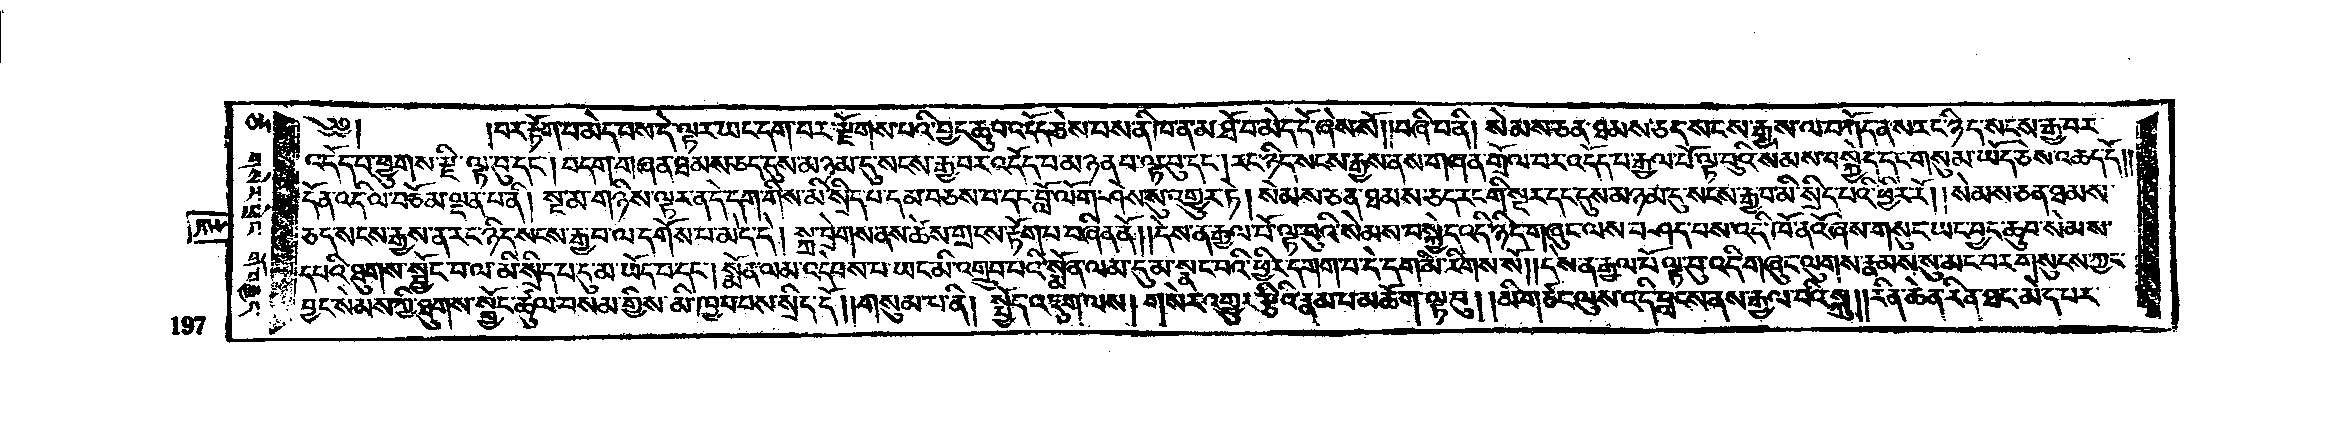༄༅། །པར་རྟོག་པ་མེད་པས་དེ་ལྟར་ཡང་དག་པར་རྫོགས་པའི་བྱང་ཆུབ་འདོད་ཅེས་པས་ནི་ཁ་ན་མ་ཐོ་བ་མེད་དོ་ཞེས་སོ། །བཞི་པ་ནི། སེམས་ཅན་ཐམས་ཅད་སངས་རྒྱས་ལ་བཀོད་ནས་རང་ཉིད་སངས་རྒྱ་བར་
འདོད་པ་ཕྱུགས་རྫི་ལྟ་བུ་དང་། བདག་གཞན་ཐམས་ཅད་དུས་མཉམ་དུ་སངས་རྒྱས་བར་འདོད་པ་མཉན་པ་ལྟ་བུ་དང་། རང་ཉིད་སངས་རྒྱས་ནས་གཞན་གྲོལ་བར་འདོད་པ་རྒྱལ་པོ་ལྟ་བུའི་སེམས་བསྐྱེད་དང་གསུམ་ཡོད་ཅེས་འཆད་དོ། །
དོན་འདི་ལ་བཅོམ་ལྡན་པ་ནི། སྔ་མ་གཉིས་ལྟར་ན་དེ་དག་གིས་མི་སྲིད་པ་དམ་བཅས་པ་དང་བློ་ལོག་ཤེས་སུ་འགྱུར་ཏེ། སེམས་ཅན་ཐམས་ཅད་རང་གི་སྔར་དང་དུས་མཉམ་དུ་སངས་རྒྱ་བ་མི་སྲིད་པའི་ཕྱིར་རོ། །སེམས་ཅན་ཐམས་
ཅད་སངས་རྒྱས་ན་རང་ཉིད་སངས་རྒྱ་བ་ལ་དགོས་པ་མེད་དེ། སྐྲ་བྲེགས་ནས་ཚེས་གྲངས་རྟོག་པ་བཞིན་ནོ། །དེས་ན་རྒྱལ་པོ་ལྟ་བུའི་སེམས་བསྐྱེད་འདི་ཉིད་གཞུང་ལས་བཤད་པས་འདི་ཁོ་ནའོ་ཞེས་གསུང་ཡང་བྱང་ཆུབ་སེམས་
དཔའི་ཐུགས་སྦྱོང་བ་ལ་མི་སྲིད་པ་དུ་མ་ཡོད་པ་དང་། སྨོན་ལམ་འདེབས་པ་ཡང་མི་འགྲུབ་པའི་སྨོན་ལམ་དུ་མ་སྣང་བའི་ཕྱིར་དགག་པ་དེ་དག་མི་རིགས་སོ། །དེས་ན་རྒྱལ་པོ་ལྟ་བུ་འདི་གཞུང་ལུགས་རྣམས་སུ་མང་བར་གསུངས་ཀྱང་
བྱང་སེམས་ཀྱི་ཐུགས་སྦྱོང་ཚུལ་བསམ་གྱིས་མི་ཁྱབ་པས་སྲིད་དོ། །གསུམ་པ་ནི། སྤྱོད་འཇུག་ལས། གསེར་འགྱུར་རྩིའི་རྣམ་པ་མཆོག་ལྟ་བུ། །མི་གཙང་ལུས་འདི་བླངས་ནས་རྒྱལ་བའི་སྐུ། །རིན་ཆེན་རིན་ཐང་མེད་པར་